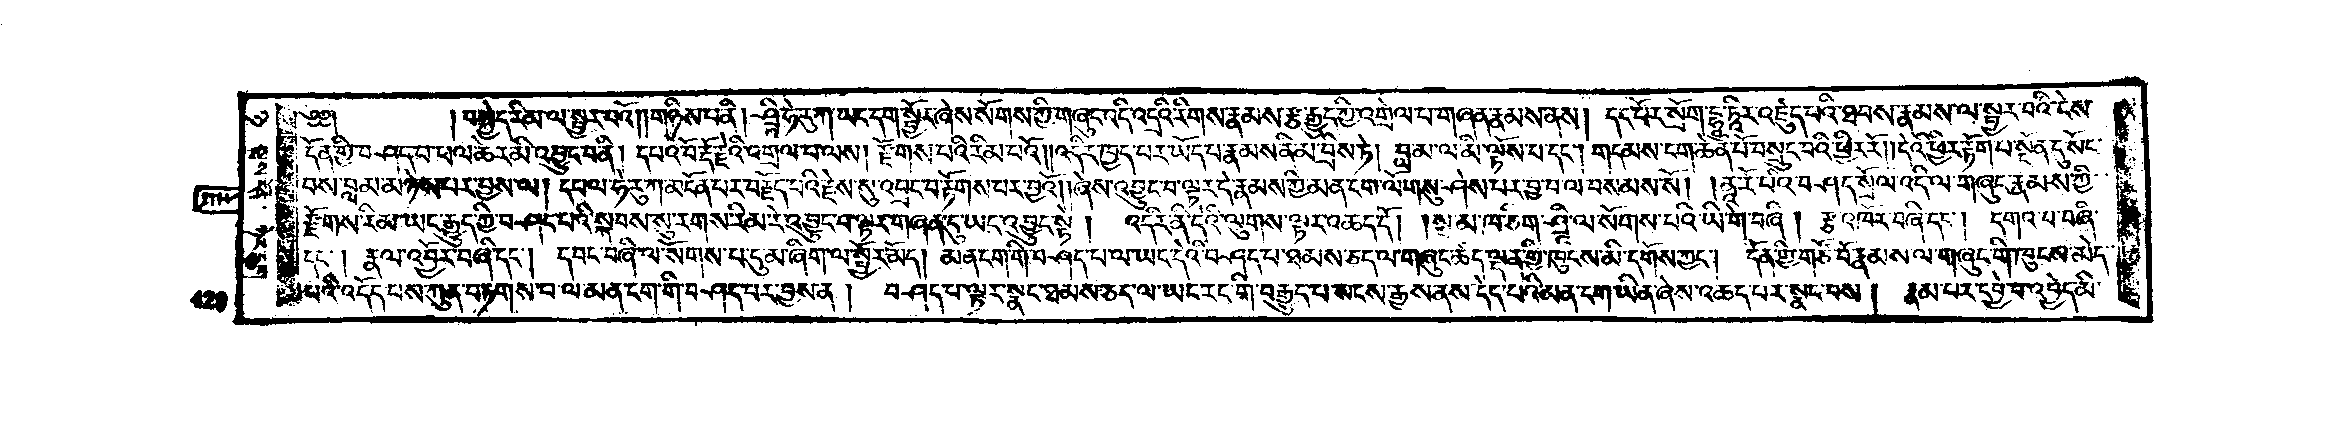༄༅། །བསྐྱེད་རིམ་ལ་སྦྱར་བའོ། །གཉིས་པ་ནི། ཤྲཱི་ཧེ་རུ་ཀ་ཡང་དག་སྦྱོར་ཞེས་སོགས་ཀྱི་གཞུང་འདི་འདྲའི་རིགས་རྣམས་རྩ་རྒྱུད་ཀྱི་འགྲེལ་པ་གཞན་རྣམས་ནས། དང་པོར་སྲོག་དྷཱུ་ཏཱིར་འཛུད་པའི་ཐབས་རྣམས་ལ་སྦྱར་བའི་ངེས་
དོན་གྱི་བཤད་པ་ཕལ་ཆེར་མི་འབྱུང་བ་ནི། དཔའ་བོ་རྡོ་རྗེའི་འགྲེལ་པ་ལས། རྫོགས་པའི་རིམ་པའོ། །འདིར་ཁྱད་པར་ཡོད་པ་རྣམས་ནི་མ་བྲིས་ཏེ། བླ་མ་ལ་མི་ལྟོས་པ་དང་། གདམས་ངག་ཆེན་པོ་བསྲུང་བའི་ཕྱིར་རོ། །དེའི་ཕྱིར་རྟོག་པ་སྔོན་དུ་སོང་
བས་བླ་མ་མཉེས་པར་བྱས་ལ། དཔལ་ཧེ་རུ་ཀ་མངོན་པར་བརྗོད་པའི་རྗེས་སུ་འབྲང་བ་རྟོགས་པར་བྱའོ། །ཞེས་འབྱུང་བ་ལྟར་དེ་རྣམས་ཀྱི་མན་ངག་ལོགས་སུ་ཤེས་པར་བྱ་བ་ལ་བསམས་སོ། །ནཱ་རོ་པའི་བཤད་སྲོལ་འདི་ལ་གཞུང་རྣམས་ཀྱི་
རྫོགས་རིམ་ཡང་རྒྱུད་ཀྱི་བཤད་པའི་སྐབས་སུ་རགས་རིམ་རེ་འབྱུང་བ་ལྟར་གཞན་དུ་ཡང་འབྱུང་སྟེ། འདིར་ནི་དེའི་ལུགས་ལྟར་འཆད་དོ། །སྔ་མ་ཁ་ཅིག་ཤྲཱི་ལ་སོགས་པའི་ཡི་གེ་བཞི། རྩ་འཁོར་བཞི་དང་། དགའ་བ་བཞི་
དང་། རྣལ་འབྱོར་བཞི་དང་། དབང་བཞི་ལ་སོགས་པ་དུ་མ་ཞིག་ལ་སྦྱོར་མོད། མན་ངག་གི་བཤད་པ་ལ་ཡང་དེའི་བཤད་པ་ཐམས་ཅད་ལ་གཞུང་ཚད་ལྡན་གྱི་ཁུངས་མི་དགོས་ཀྱང་། དོན་གྱི་གཙོ་བོ་རྣམས་ལ་གཞུང་གི་ཁུངས་མེད་
པའི་འདོད་པས་ཀུན་བཏགས་པ་ལ་མན་ངག་གི་བཤད་པར་བྱས་ན། བཤད་པ་ལྟར་སྣང་ཐམས་ཅད་ལ་ཡང་རང་གི་བརྒྱུད་པ་སངས་རྒྱས་ནས་དེད་པའི་མན་ངག་ཡིན་ཞེས་འཆད་པར་སྣང་བས། རྣམ་པར་དབྱེ་བ་འབྱེད་མི་